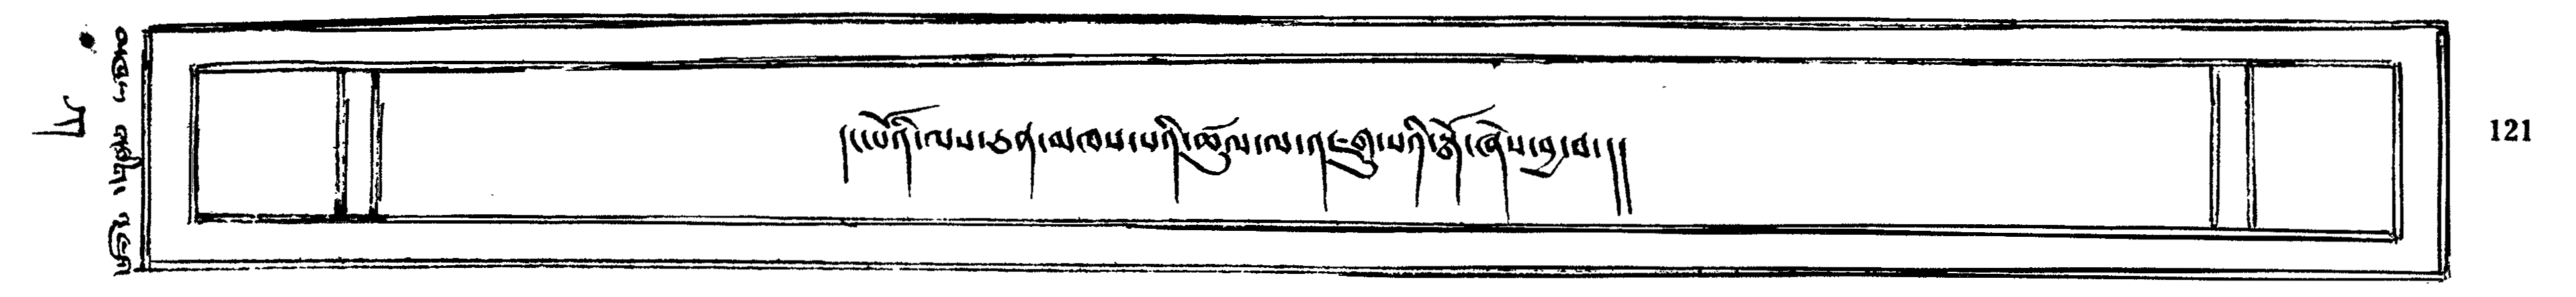དང་པོའི་ལས་ཅན་མཁས་པའི་ཚུལ་ལ་འཇུག་པའི་སྒོ་ཞེས་བྱ་བ།